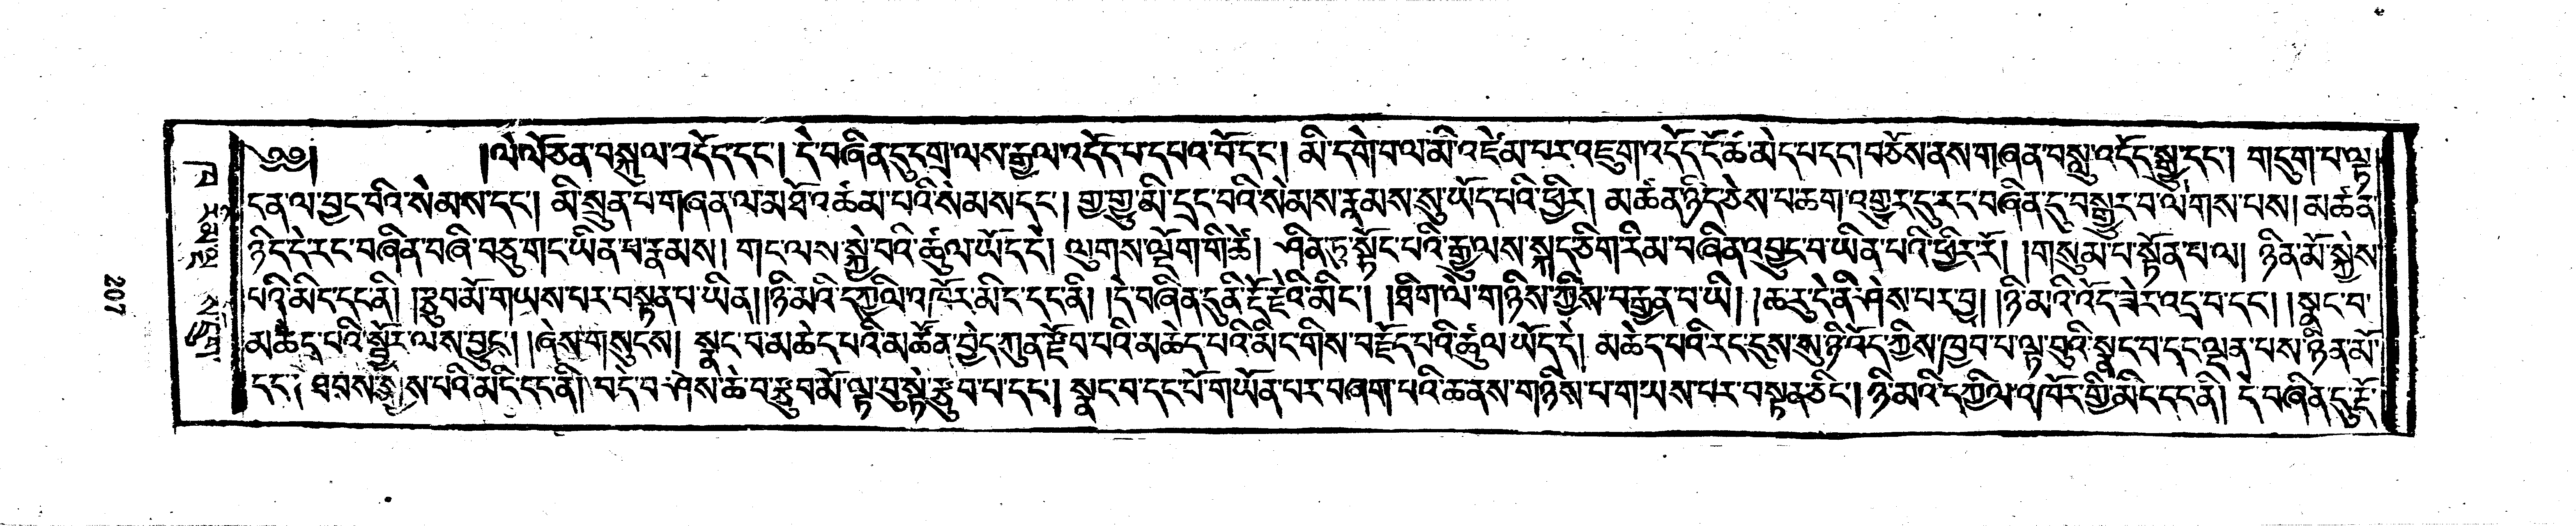༄༅། །ལེ་ལོ་ཅན་བསྐུལ་འདོད་དང་། དེ་བཞིན་དུ་དགྲ་ལས་རྒྱལ་འདོད་པ་དཔའ་བོ་དང་། མི་དགེ་བ་ལ་མི་འཛེམ་པར་འཇུག་འདོད་ངོ་ཚ་མེད་པ་དང་། བཅོས་ནས་གཞན་བསླུ་འདོད་སྒྱུ་དང་། གདུག་པ་ལྟ་
ངན་ལ་བྱང་བའི་སེམས་དང་། མི་སྲུན་པ་གཞན་ལ་མཐོ་འཚམ་པའི་སེམས་དང་། གྱ་གྱུ་མི་དྲང་བའི་སེམས་རྣམས་སུ་ཡོད་པའི་ཕྱིར། མཚན་ཉིད་ཅེས་པ་ཆག་འགྱུར་དུ་རང་བཞིན་དུ་བསྒྱུར་བ་ལེགས་པས། མཚན་
ཉིད་དེ་རང་བཞིན་བཞི་བཅུ་གང་ཡིན་པ་རྣམས། གང་ལས་སྐྱེ་བའི་ཚུལ་ཡོད་དེ། ལུགས་ལྡོག་གི་ཚེ། ཤིན་ཏུ་སྟོང་པའི་རྒྱུ་ལས་སྐད་ཅིག་རིམ་བཞིན་འབྱུང་བ་ཡིན་པའི་ཕྱིར་རོ། །གསུམ་པ་སྟོན་པ་ལ། ཉིན་མོ་སྐྱེས་
པའི་མིང་དང་ནི། །རྩུབ་མོ་གཡས་པར་བསྟན་པ་ཡིན། །ཉི་མའི་དཀྱིལ་འཁོར་མིང་དང་ནི། །དེ་བཞིན་དུ་ནི་རྡོ་རྗེའི་མིང་། །ཐིག་ལེ་གཉིས་ཀྱིས་བརྒྱན་པ་ཡི། །ཆ་རུ་དེ་ནི་ཤེས་པར་བྱ། །ཉི་མའི་འོད་ཟེར་འདྲ་བ་དང་། །སྣང་བ་
མཆེད་པའི་སྦྱོར་ལས་བྱུང་། །ཞེས་གསུངས། སྣང་བ་མཆེད་པའི་མཚོན་བྱེད་ཀུན་རྫོབ་པའི་མཆེད་པའི་མིང་གིས་བརྗོད་པའི་ཚུལ་ཡོད་དེ། མཆེད་པའི་རང་དུས་སུ་ཉི་འོད་ཀྱིས་ཁྱབ་པ་ལྟ་བུའི་སྣང་བ་དང་ལྡན་པས་ཉིན་མོ་
དང་། ཐབས་སྐྱེས་པའི་མིང་དང་ནི། བདེ་བ་ཤས་ཆེ་བ་རྩུབ་མོ་ལྟ་བུ་སྟེ་རྩུབ་པ་དང་། སྣང་བ་དང་པོ་གཡོན་པར་བཞག་པའི་ཆ་ནས་གཉིས་པ་གཡས་པར་བསྟན་ཅིང་། ཉི་མའི་དཀྱིལ་འཁོར་གྱི་མིང་དང་ནི། དེ་བཞིན་དུ་རྡོ་